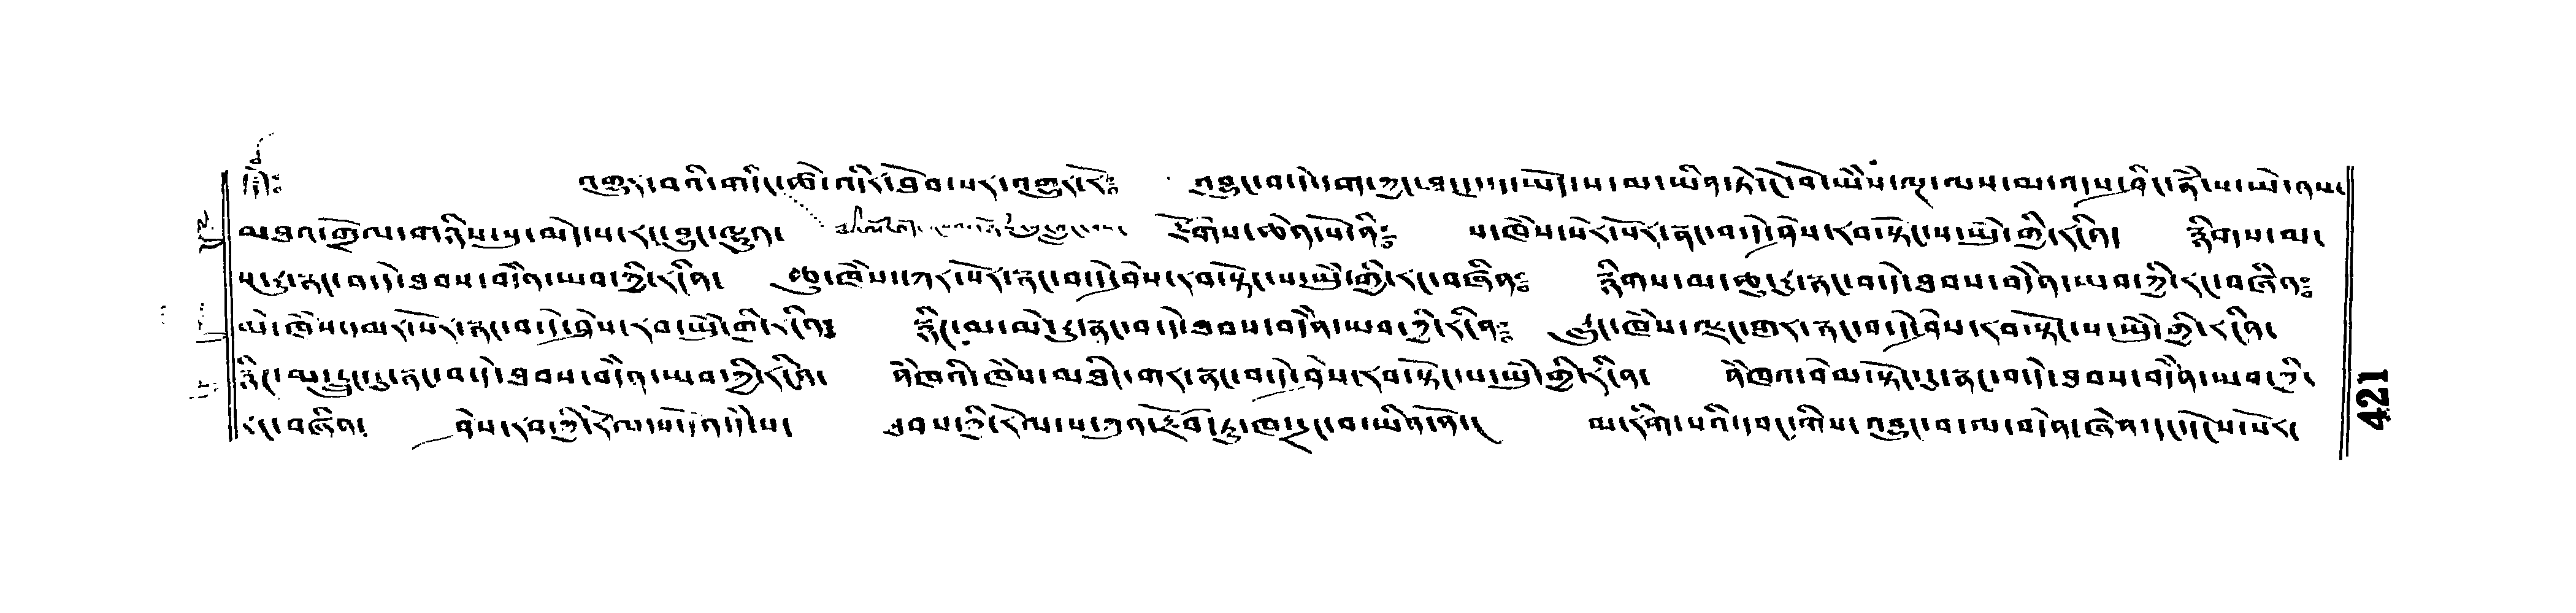འགྱུར་བའི་གདིང་ཚེ་འདིར་ཐོབ་པར་འགྱུར་རོ། འབྱུང་བ་དེ་དག་ཀྱང་ཐ་དད་དུ་ཡོད་པ་མ་ཡིན་ཏེ་ངོ་བོ་ཡེ་ཤེས་ལྔ་ལས་མ་འདས་ཤིང་རྣམ་པ་ཡེ་ནས་
མཐའ་གྲོལ་གཉིས་སུ་མེད་པ་རང་བྱུང་ལྷུན་རྫོགས་ཆེན་པོ་ནི། ས་ཁམས་སེར་པོར་སྣང་བ་དེ་ཤེས་རབ་སྟོང་པ་ཡུམ་གྱི་རང་བཞིན། སྙིགས་མ་
ས་རུ་སྣང་བ་དེ་ཐབས་བདེ་ཆེན་ཡབ་ཀྱི་རང་བཞིན། ཆུ་ཁམས་དཀར་པོར་སྣང་བ་དེ་ཤེས་རབ་སྟོང་པ་ཡུམ་གྱི་རང་བཞིན། སྙིགས་མ་ཆུ་རུ་སྣང་བ་དེ་ཐབས་བདེ་ཆེན་ཡབ་ཀྱི་རང་བཞིན། 
མེ་ཁམས་དམར་པོར་སྣང་བ་དེ་ཤེས་རབ་ཡུམ་གྱི་རང་བཞིན། སྙིགས་མ་མེ་རུ་སྣང་བ་དེ་ཐབས་བདེ་ཆེན་ཡབ་ཀྱི་རང་བཞིན། རླུང་ཁམས་ལྗང་གུར་སྣང་བ་དེ་ཤེས་རབ་སྟོང་པ་ཡུམ་གྱི་རང་བཞིན། 
སྙིགས་མ་རླུང་དུ་སྣང་བ་དེ་ཐབས་བདེ་ཆེན་ཡབ་ཀྱི་རང་བཞིན། ནམ་མཁའི་ཁམས་མཐིང་གར་སྣང་བ་དེ་ཤེས་རབ་སྟོང་པ་ཡུམ་གྱི་རང་བཞིན། ནམ་མཁའ་བེམ་སྟོང་དུ་སྣང་བ་དེ་ཐབས་བདེ་ཆེན་ཡབ་ཀྱི་
རང་བཞིན། ཤེས་རབ་ཀྱི་རོལ་པ་དོན་དམ་པ། ཐབས་ཀྱི་རོལ་པ་ཀུན་རྫོབ་ཏུ་ཁ་དྲང་བ་ཡིན་ནོ། མ་རིག་པའི་དབང་གིས་འབྱུང་བ་ལ་བདེ་ཞེན་དང་དངོས་པོར་